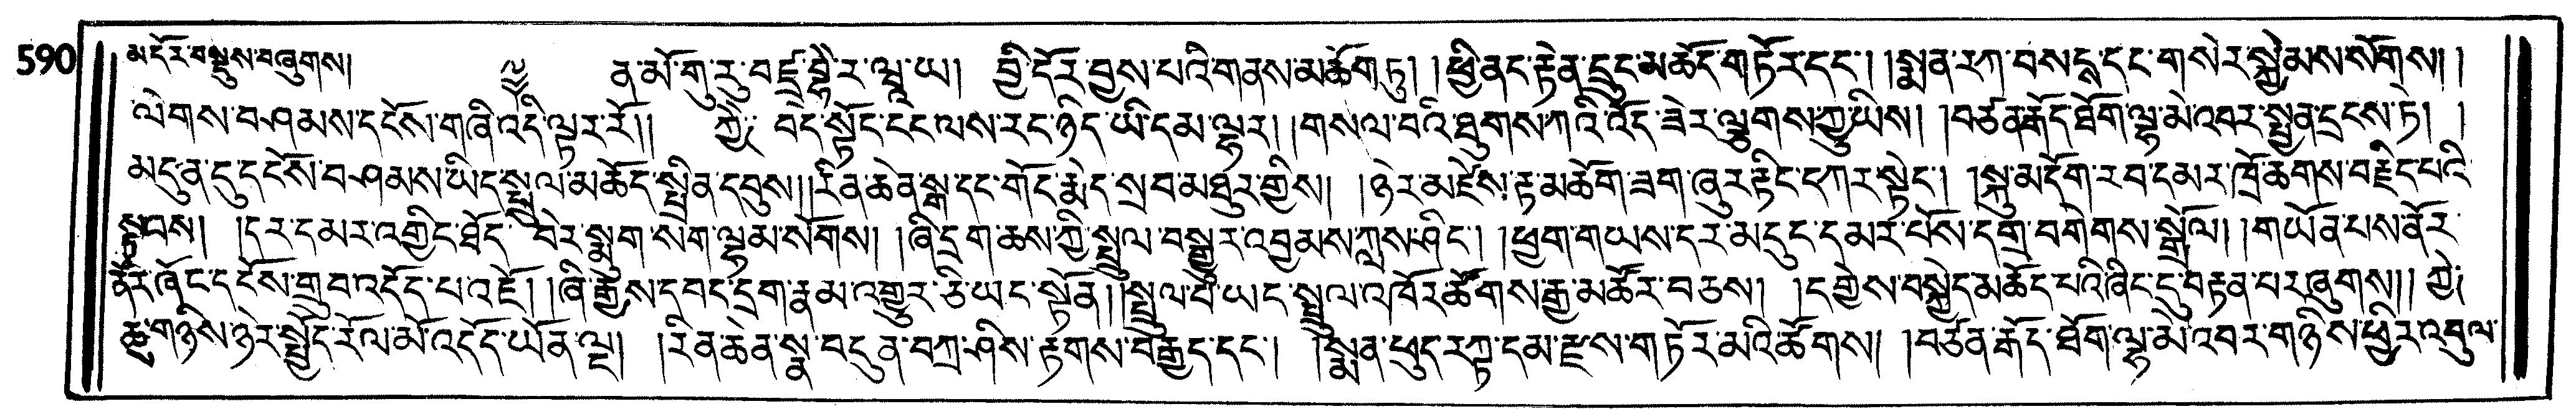མདོར་བསྡུས་བཞུགས། འ་ན་མོ་གུ་རུ་བྫྲ་བྷཻ་ར་ཝཱ་ཡ། བྱི་དོར་བྱས་པའི་གནས་མཆོག་ཏུ། །ཕྱི་ནང་རྟེན་དྲུང་མཆོད་གཏོར་དང་། །སྨན་རཀ་བསངས་དང་གསེར་སྐྱེམས་སོགས། །
ལེགས་བཤམས་དངོས་གཞི་འདི་ལྟར་རོ།། ཀྱཻ༑ བདེ་སྟོང་ངང་ལས་རང་ཉིད་ཡི་དམ་ལྷར། །གསལ་བའི་ཐུགས་ཀའི་འོད་ཟེར་ལྕགས་ཀྱུ་ཡིས། །བཙན་རྒོད་ཐོག་ལྷ་མེ་འབར་སྤྱན་དྲངས་ཏེ། །
མདུན་དུ་དངོས་བཤམས་ཡིད་སྤྲུལ་མཆོད་སྤྲིན་དབུས། །རིན་ཆེན་སྒ་དང་གོང་རྨེད་སྲབ་མཐུར་གྱིས། །ཉེར་མཛེས་རྟ་མཆོག་ཟག་ཞུར་རྟིང་དཀར་སྟེང་། །སྐུ་མདོག་རབ་དམར་ཁྲོ་ཆགས་བརྗིད་པའི་
སྟབས། །དར་དམར་འགྱིང་ཐོད་བེར་སྨུག་སག་ལྷམ་སོགས། །ཞི་དྲག་ཆས་ཀྱི་སྤྲུལ་བསྒྱུར་འབྱམས་ཀླས་ཤིང་། །ཕྱག་གཡས་དར་མདུང་དམར་པོས་དགྲ་བགེགས་སྒྲོལ། །གཡོན་པས་ནོར་
ནོར་ཞོང་དངོས་གྲུབ་འདོད་པ་འཇོ། །ཞི་རྒྱས་དབང་དྲག་རྣམ་འགྱུར་ཅི་ཡང་སྟོན། །སྤྲུལ་པ་ཡང་སྤྲུལ་འཁོར་ཚོགས་རྒྱ་མཚོར་བཅས། །ད་གྱེས་བསྐྱེད་མཆོད་པའི་ཞིང་དུ་བརྟན་པར་ཞུགས། །ཀྱེ༑
ཆུ་གཉིས་ཉེར་སྤྱོད་རོལ་མོ་འདོད་ཡོན་ལྔ། །རིན་ཆེན་སྣ་བདུན་བཀྲ་ཤིས་རྟགས་བརྒྱད་དང་། །སྨན་ཕུད་རཀྟ་དམ་རྫས་གཏོར་མའི་ཚོགས། །བཙན་རྒོད་ཐོག་ལྷ་མེ་འབར་གཉིས་ཕྱིར་འབུལ་